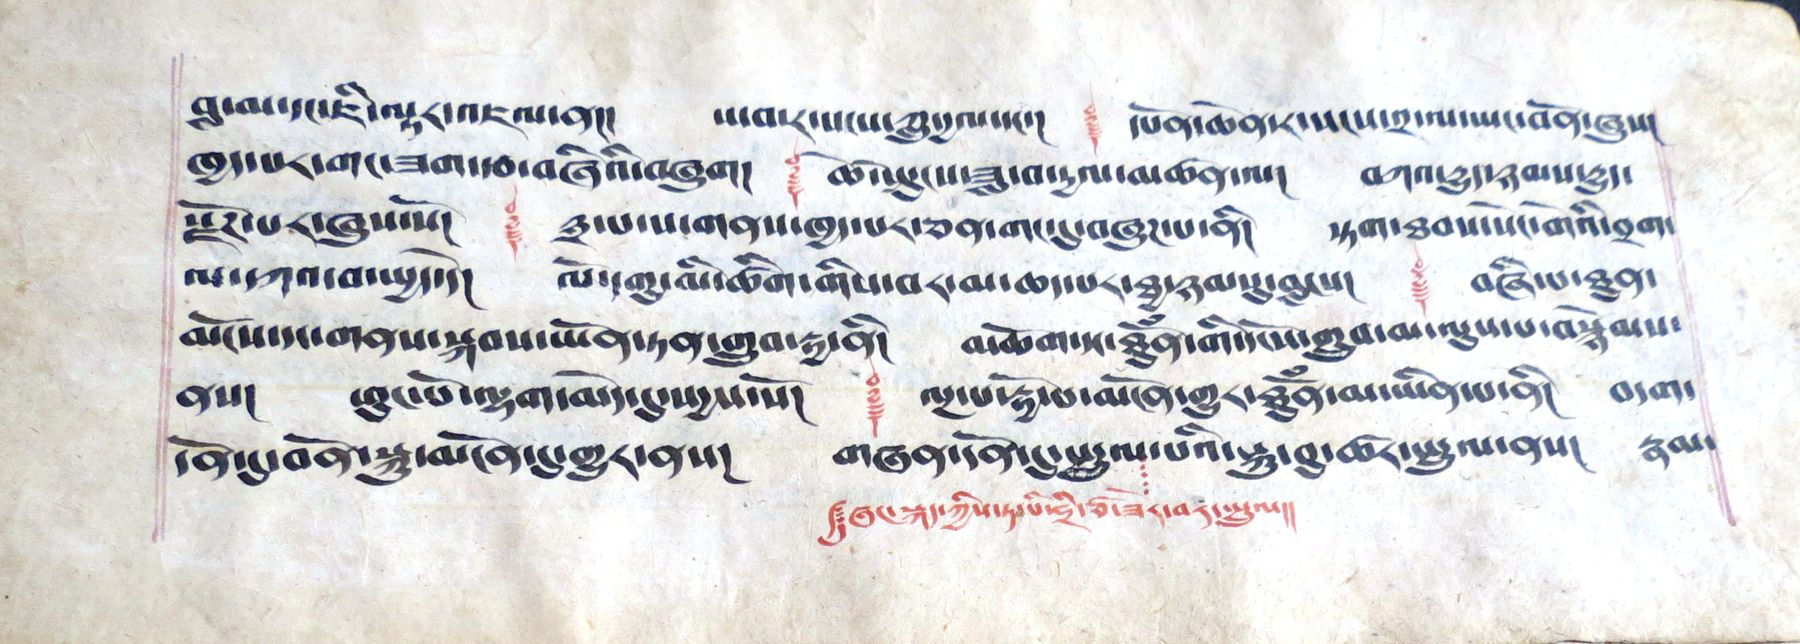བླ་མ་དང་ཇི་ལྟར་མཇལ་ན། ཡབ་ར་སངས་ཀླུ་རྒྱལ་དང་། དཔོན་ཆེན་ར་སངས་གཉིས་ལ་ཡང་བོན་ཞུས། 
ཁྱད་པར་གང་ཟག་ཉི་ཤུ་རྩ་བཞིའི་གཞུག ཚེ་སྤུངས་ཟླ་བ་རྒྱལ་མཚན་ལ། བཀའ་རྒྱུད་ཉམས་རྒྱུད་
རྫོགས་པར་ཞུས་སོ། ། གསུམ་པ་ས་གནས་ཁྱད་པར་ཅན་གང་དུ་བརྟེན་པའི་ཚེ་དུ་བཞུགས་པ་ནི། སྟག་ཐབས་སེང་གེའི་བྲག་
ལ་དཀའ་བ་སྤྱད་དེ། ལོ་དགུ་མི་ཚིག་གིས་བར་མ་ཆད་པར་ཉམས་སུ་བླངས། བཞི་པ་ཐུན་
མོང་དང་གནས་སྐབས་ཀྱི་ཡོན་ཏན་གྲུབ་རྟགས་ནི། མཆོག་དང་ཐུན་མོང་གི་དངོས་གྲུབ་མ་ལུས་པར་བསྙེམས་
ནས། ཕུང་པོ་ལྷག་མེད་དུ་སངས་རྒྱས་སོ། ། ལྔ་པ་རྟོགས་པ་མངོན་གྱུར་ཐུན་མོང་མ་ཡིན་པ་ནི། བདག་
དོན་དུ་བོན་སྐུ་མངོན་དུ་གྱུར་ནས། གཞན་དོན་དུ་སྤྲུལ་པའི་སྐུ་༼ཞང་སྐད་ཀྱི་ཏ་པི་ར་ཙ་ཟེར་བར་སྤྲུལ༽བུ་ཚར་སྤྲུལ་ནས། རྣམ་